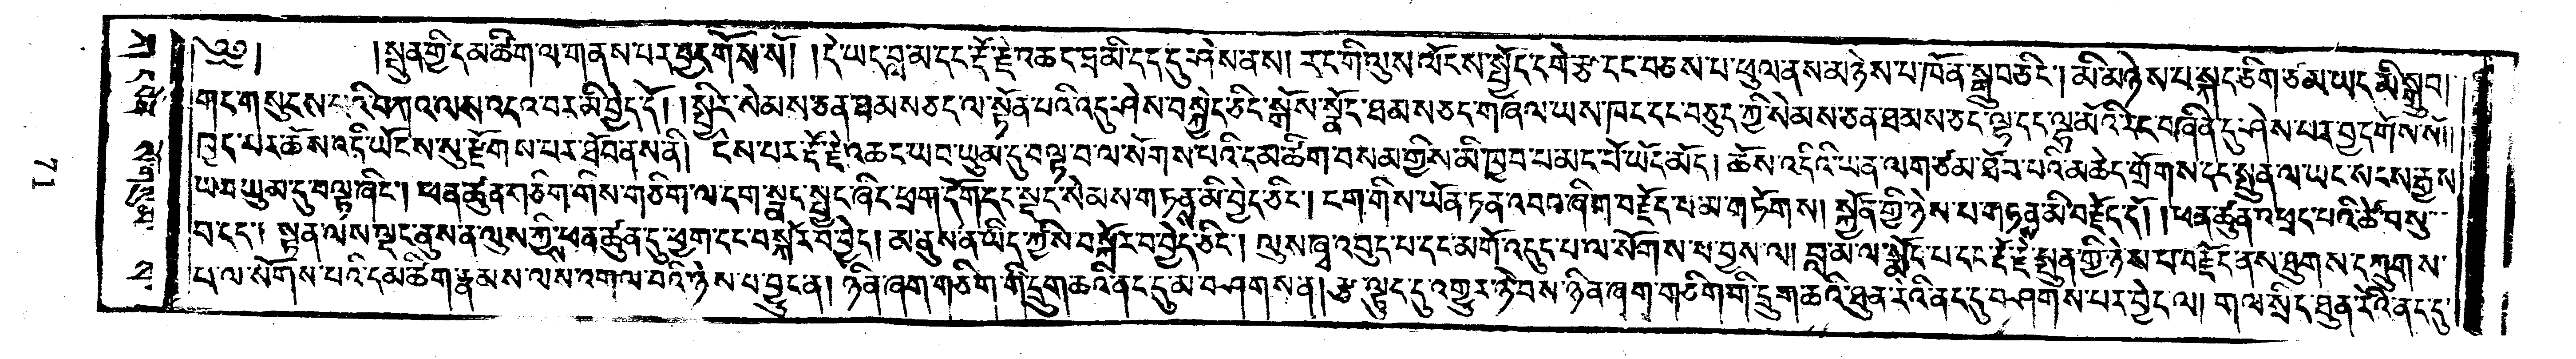༄༅། །སྤུན་གྱི་དམ་ཚིག་ལ་གནས་པར་བྱ་དགོས་སོ། །དེ་ཡང་བླ་མ་དང་རྡོ་རྗེ་འཆང་ཐ་མི་དད་དུ་ཤེས་ནས། རང་གི་ལུས་ལོངས་སྤྱོད་དགེ་རྩ་དང་བཅས་པ་ཕུལ་ནས་མཉེས་པ་ཁོ་ན་སྒྲུབ་ཅིང་། མི་མཉེས་པ་སྐད་ཅིག་ཙམ་ཡང་མི་སྒྲུབ།
གང་གསུངས་པའི་བཀའ་ལས་འདའ་བར་མི་བྱེད་དོ། །སྤྱིར་སེམས་ཅན་ཐམས་ཅད་སྟོན་པའི་འདུ་ཤེས་བསྐྱེད་ཅིང་སྒོས་སྣོད་ཐམས་ཅད་གཞལ་ཡས་ཁང་དང་བཅུད་ཀྱི་སེམས་ཅན་ཐམས་ཅད་ལྷ་དང་ལྷ་མོའི་རང་བཞིན་དུ་ཤེས་པར་བྱ་དགོས་སོ། །
ཁྱད་པར་ཆོས་འདི་ཡོངས་སུ་རྫོགས་པར་ཐོབ་ནས་ནི། ངེས་པར་རྡོ་རྗེ་འཆང་ཡབ་ཡུམ་དུ་བལྟ་བ་ལ་སོགས་པའི་དམ་ཚིག་བསམ་གྱིས་མི་ཁྱབ་པ་མང་པོ་ཡོངས་མོད། ཆོས་འདིའི་ཡན་ལག་ཙམ་ཐོབ་པའི་མཆེད་གྲོགས་དང་སྤུན་ལ་ཡང་སངས་རྒྱས་
ཡབ་ཡུམ་དུ་བལྟ་ཞིང་། ཕན་ཚུན་གཅིག་གིས་གཅིག་ལ་དག་སྣང་སྤྱང་ཞིང་ཕྲག་དོག་དང་སྡང་སེམས་གཏནས?་མི་བྱེད་ཅིང་། ངག་གིས་ཡོན་ཏན་འབའ་ཞིག་བརྗོད་པ་མ་གཏོགས། སྐྱོན་གྱི་ཉེས་པ་གཏནས་མི་བརྗོད་དོ། །ཕན་ཚུན་འཕྲད་པའི་ཚེ་བསུ་
བ་དད། སྟན་ལས་ལྡང་ནུས་ན་ལུས་ཀྱིས་ཕན་ཚུན་དུ་ཕྱག་དང་བསྐོར་བ་བྱེད། མ་ནུས་ན་ཡིད་ཀྱིས་བསྐོར་བ་བྱེད་ཅིང་། ལུས་ཞྭ་འབུད་པ་དང་མགོ་འདུད་པ་ལ་སོགས་པ་བྱས་ལ། བླ་མ་ལ་སྨོད་པ་དང་རྡོ་རྗེ་སྤུན་གྱི་ཉེས་པ་བརྗོད་ནས་ཐུགས་དཀྲུགས་
པ་ལ་སོགས་པའི་དམ་ཚིག་རྣམས་ལས་འགལ་བའི་ཉེས་པ་བྱུང་ན། ཉིན་ཞག་གཅིག་གི་དྲུག་ཆའི་ནང་དུ་མ་བཤགས་ན། རྩ་ལྟུང་དུ་འགྱུར་ཉེ་བས་ཉིན་ཞག་གཅིག་གི་དྲུག་ཆའི་ཐུན་རེའི་ནང་དུ་བཤགས་པར་བྱེད་ལ། གལ་སྲིད་ཐུན་རེའི་ནང་དུ་